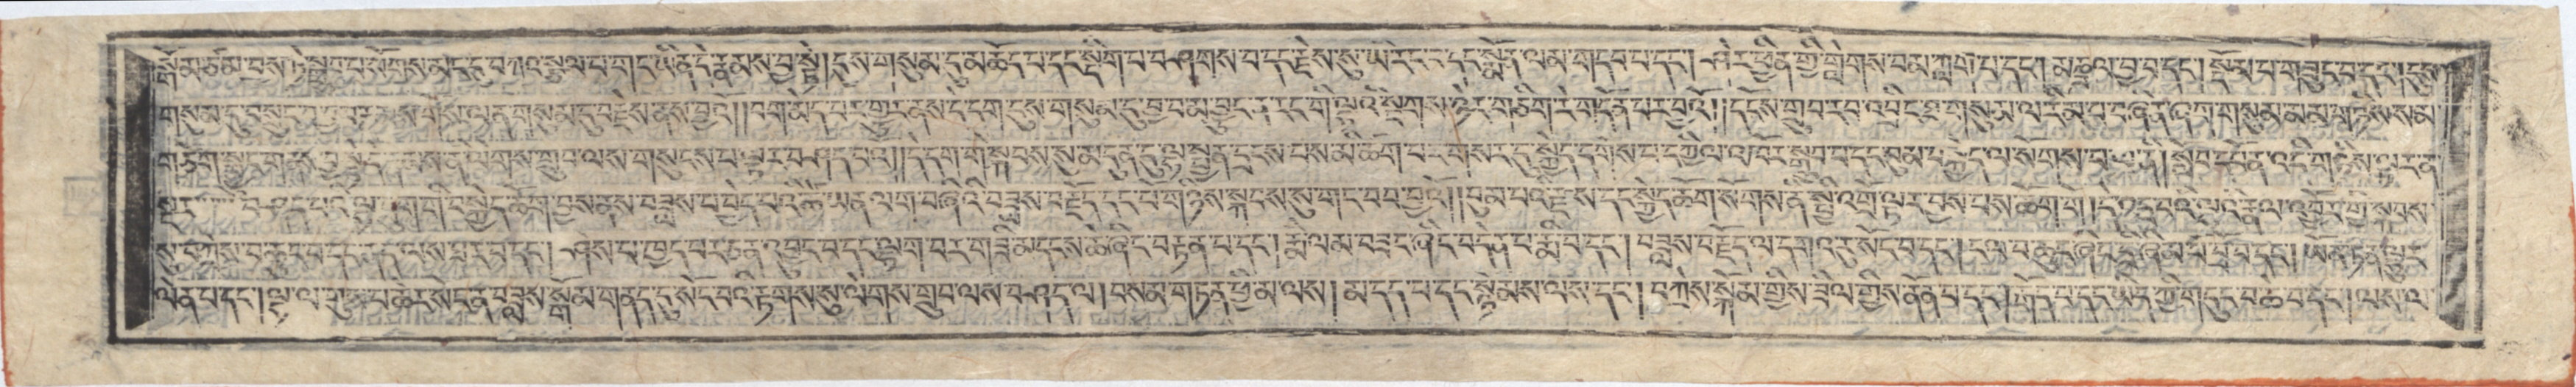སྒོམ་ཙམ་བྱས་ཏེ་སྒྲུབ་པ་སོགས་མང་དུ་བཀའ་སྩལ་པ་གང་ཡིན་དེ་རྣམས་བྱ་སྟེ། དུས་གསུམ་དུ་མཆོད་པ་དང་སྡིག་པ་བཤགས་པ་དང་རྗེས་སུ་ཡི་རང་བ་དང་སྨོན་ལམ་གདབ་པ་དང་། ཤེར་ཕྱིན་གྱི་གླེགས་བམ་ཀླག་པ་དང་། མཎྜལ་བྱ་བ་དང་། སྡོམ་པ་གཟུང་བ་དང་། དུས་
གསུམ་དུ་བསྲུང་བ་བྱ་བ་རྣམས་གོས་ལན་གསུམ་དུ་བརྗེས་ནས་བྱའོ། །བག་མེད་པར་གྱུར་ནས་དེ་དག་དུས་གསུམ་དུ་བྱ་བ་མ་བྱུང་ན་རང་གི་ལྷའི་སྔགས་ཉེར་གཅིག་རེ་གདོན་པར་བྱའོ། །དངོས་གྲུབ་རབ་འབྲིང་ཐ་གསུམ་ལ་རིམ་པ་བཞིན་ཞག་གསུམ་མམ་གཉིས་སམ་
གཅིག་སྨྱུང་གནས་བྱ་སྟེ་དེ་རྣམས་ནི་ལེགས་གྲུབ་ལས་གསུངས་པ་ལྟར་བཤད་པའོ། །དེ་དག་གི་སྐབས་སུ་མདུན་དུ་ལྷ་སྤྱན་དྲངས་པས་མི་ཆོག་པར་གསར་དུ་སྐྱེད་དགོས་པ་དཀྱིལ་འཁོར་སྒྲུབ་པ་དང་བུམ་བསྐྱེད་ལ་སོགས་པ་ལ་ནི། སློབ་དཔོན་འདི་གཉིས་ལྟར་ན་
སྔར་བཤད་པའི་ལྷ་དྲུག་གི་བསྐྱེད་ཆོག་བྱས་ནས་བཟླས་པ་བྱེད་པའི་ཚེ་ཡན་ལག་བཞིའི་བཟླས་བརྗོད་དང་པོ་གཉིས་སྐབས་སུ་གང་བབ་བྱའོ། །བུམ་པའི་རྫས་དང་སྐྱེད་ཆོག་སོགས་ནི་སྤྱི་འགྲོ་ལྟར་བྱས་པས་ཆོག་གོ །དེ་འདྲ་བའི་ལྷའི་རྣལ་འབྱོར་གྱི་སྐབས་
སུ་བཀྲེས་བ་ཆུང་བ་དང་ནད་ལས་ཐར་བ་དང་། ཤེས་པ་ཁྱད་པར་ཅན་འབྱུང་བ་དང་ལྷག་བར་གཟི་མདངས་ཚེ་ཞིང་བརྟན་པ་དང་། རྨི་ལམ་བཟང་ཞིང་བདེན་པ་རྨི་བ་དང་། བཟླས་བརྗོད་ལ་དགའ་རུ་སོང་བ་དང་། ངལ་བ་ཆུང་ཞིང་དྲི་ཞིམ་པོ་བྲོ་བ་དང་། ཡོན་ཏན་ལྷུར་
ལེན་པ་དང་། ལྷ་ལ་གུས་པ་ཆེར་སོང་ན་བཟླས་སྒོམ་གནད་དུ་སོང་བའི་རྟགས་སུ་ལེགས་གྲུབ་ལས་བཤད་ལ། བསམ་གཏན་ཕྱི་མ་ལས། མ་དད་པ་དང་སྙོམས་ལས་དང་། བཀྲེས་སྐོམ་གྱིས་ཟིལ་གྱིས་ནོན་པ་དང་། རྒོད་པ་དང་ཡིད་ཀྱི་གདུང་བ་ཆེ་བ་དང་། ལས་ལ་